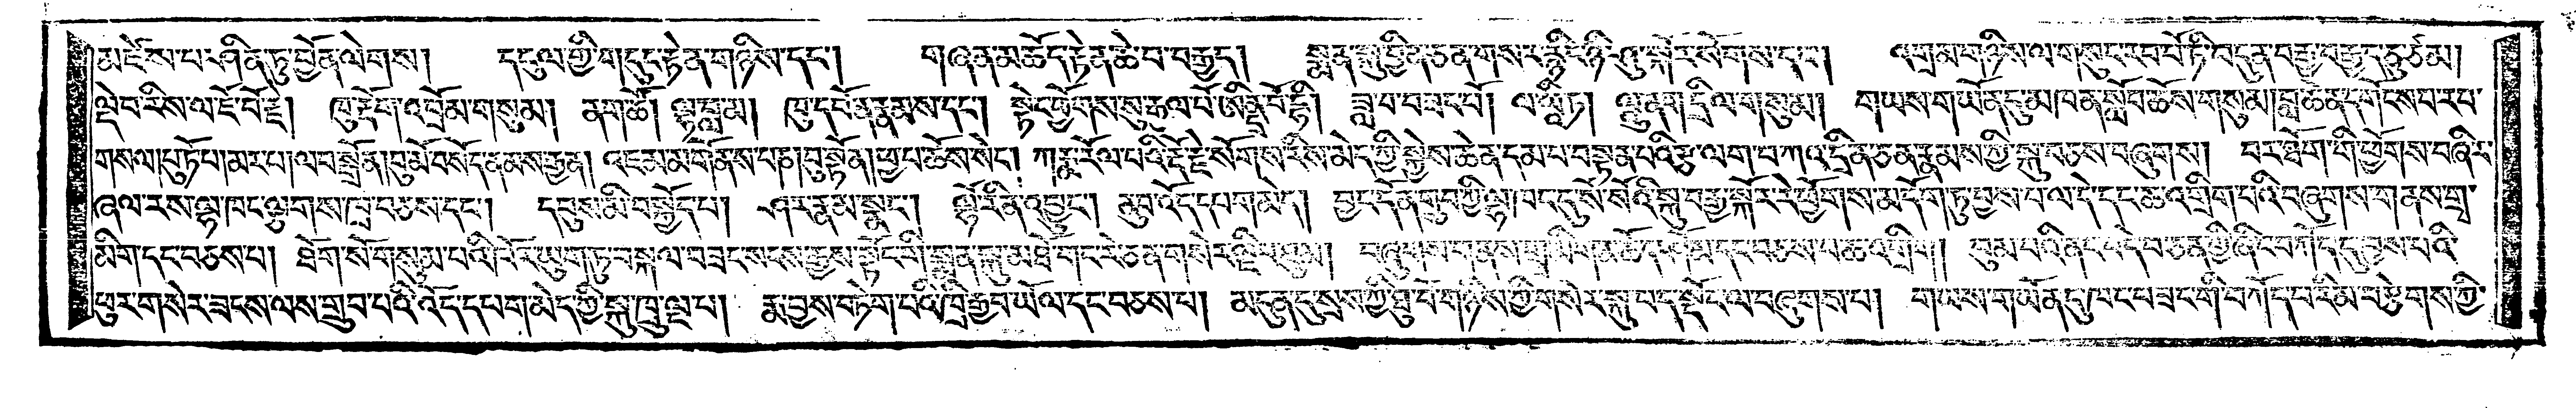མཛེས་པ་ཤིན་ཏུ་བྱོན་ལེགས། དངུལ་གྱི་གདུང་རྟེན་གཉིས་དང་། གཞན་མཆོད་རྟེན་ཆེ་བ་བརྒྱད། སྨན་སྐུ་བྱིན་ཅན་གསར་རྙིང་ཉི་ཤུ་སྐོར་སོགས་དང་། འགྲམ་གཉིས་ལ་གསུང་རབ་པོ་ཏི་བདུན་བརྒྱ་བརྒྱད་ཅུ་ཙམ།
ལྡེབ་རིས་ལ་ཇོ་བོ་རྗེ། ཁུ་རྔོག་འཕྲོམ་གསུམ། ནག་ཚོ། ལྟ་བླ་མ། ཁུ་དཔོན་རྣམས་དང་། སྟེང་ཕྱོགས་སུ་རྒྱལ་པོ་ཨིནྡྲ་བོ་དྷི། ཟླ་བ་བཟང་པོ། ལ་ལཱིཏ། ལཱུ་ནག་དྲིལ་གསུམ། གཡས་གཡོན་དུ་མཁན་སློབ་ཆོས་གསུམ་།བླ་ཆེན་དགོངས་བ་རབ་
གསལ་བུ་ཏོག་མར་པ་།ལ་བསྒྲོན་།བུ་མོ་བསོད་ནམས་རྒྱན། འཇམ་མགོན་ས་པཎ་།བུ་སྟོན་།ཕྱ་པ་ཆོས་སེང་། ཀརྨ་རོལ་པའི་རྡོ་རྗེ་སོགས་རིས་མེད་ཀྱི་སྐྱེས་ཆེན་དམ་པ་བསྟན་པའི་རྩ་ལག་བཀའ་དྲིན་ཅན་རྣམས་ཀྱི་སྐུ་བཅས་བཞུགས། བར་ཐོག་གི་ཕྱོགས་བཞིར་
ཞལ་རས་ལྷ་ཁང་ལྕགས་ཁྲ་བཅས་དང་། དབུས་མི་བསྐྱོད་པ། ཤར་རྣམ་སྣང་། ལྷོ་རིན་འབྱུང་། ནུབ་འོད་དཔག་མེད། བྱང་དོན་གྲུབ་ཀྱི་ལྷ་ཁང་དུ་སོ་སོའི་སྐུ་བརྒྱ་སྐོར་རེ་ཕྱོགས་མདོག་ཏུ་བྱས་པ་ལ་དེ་དང་ཆ་འགྲིག་པའི་བཞུགས་གནས་གྲྭ་
མིག་དང་བཅས་པ། ཐོག་སོ་གསུམ་པའི་ཁོར་ཡུག་ཏུ་བསྐལ་བཟང་སངས་རྒྱས་སྟོང་གི་སྨན་སྐུ་མཐོ་གང་རེ་ཅན་གསེང་ལྡིབ་ཐུམ། བཞུགས་གནས་གྲྭ་མིག་མཆོད་ཤོམ་དང་བཅས་པ་ཆ་འགྲིག །བུམ་པའི་ནང་བདེ་བ་ཅན་གྱི་ཞིང་བཀོད་དུ་བྱས་པའི་
ཕུར་གསེར་ཟངས་ལས་གྲུབ་པའི་འོད་དཔག་མེད་ཀྱི་སྐུ་ཁྲུ་ལྔ་པ། རྨ་བྱས་བཏེག་པའི་ཁྲི་རྒྱབ་ཡོལ་དང་བཅས་པ། མདུན་དུ་སྲས་ཀྱི་ཐུ་བོ་གཉིས་ཀྱི་གསེར་སྐུ་པད་སྡོང་ལ་བཞུགས་པ། གཡས་གཡོན་དུ་ཁང་བཟང་གི་བཀོད་བ་རིམ་བརྩེགས་ཀྱི་